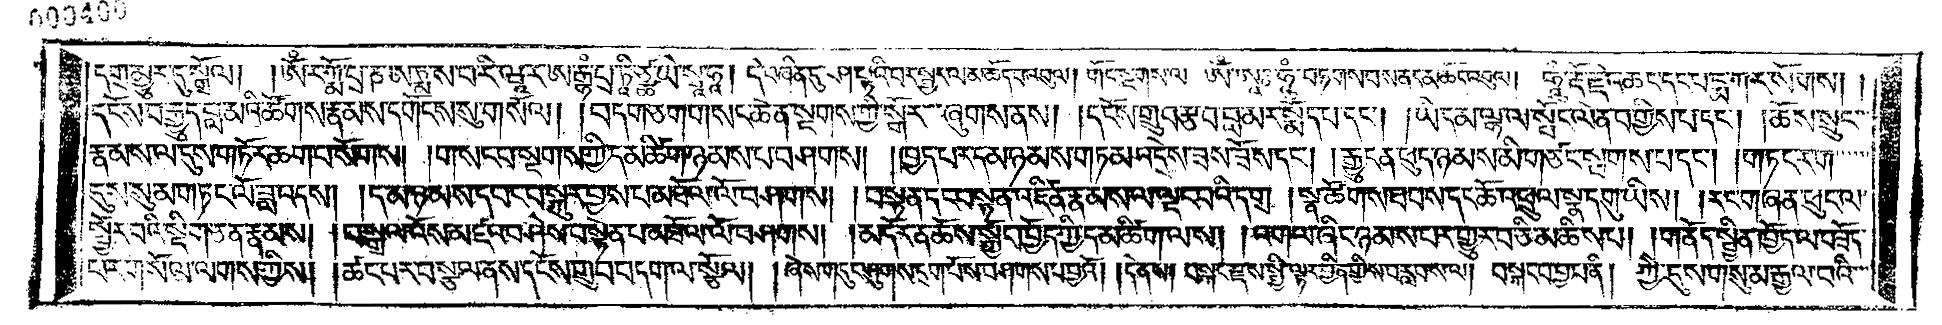དགྲ་མྱུར་དུ་སྒྲོལ། །ཨོཾ་རཀྨོ་པྲ་ཎ་ཨཏྨ་ས་བ་རི་ཝཱ་ར་ཨ་རྒྷཾ་པྲ་ཏཱི་ཙྪ་ཡེ་སྭཱཧཱ། དེ་བཞིན་དུ་ཤཔྟའི་བར་སྦྱར་ལ་མཆོད་པ་འབུལ། གོང་སྔགས་ལ་ཨོཾ་ཨཱཿ ཧཱུཾ་བཏགས་པས་ནང་མཆོད་འབུལ།  ཧཱུཾ་རྡོ་རྗེ་འཆང་དང་པདམ་ཀར་སོགས། །
དངོས་བ་རྒྱུད་བླ་མའི་ཚོགས་རྣམས་དགོངས་སུ་གསོལ། །བདག་ཅག་གསང་ཆེན་སྔགས་ཀྱི་སྒོར་ཞུགས་ནས། །དངོས་གྲུབ་རྩ་བ་བླ་མར་སྨོད་པ་དང་། །ཡི་དམ་ལྷ་ལ་སྤོང་ལེན་བགྱིས་པ་དང་། །ཆོས་སྲུང་
རྣམས་ལ་དུས་གཏོར་ཆག་པ་སོགས། །གསང་བ་སྔགས་ཀྱི་དམ་ཚིག་ཉམས་པ་བཤགས། །ཁྱད་པར་དམ་ཉམས་གཏམ་འདྲེས་ཟས་ཟོས་དང་། །རྒྱུ་ངན་ཕུད་ཉམས་མི་གཙང་སྤགས་པ་དང་། །གཏང་རག་
དུས་སུ་མ་གཏང་ལོ་ཟླ་འདས། །དམ་ཉམས་དབང་བསྐུར་བྱས་པ་མཐོལ་ལོ་བཤགས། །བསྟན་དང་བསྟན་འཛིན་རྣམས་ལ་ལྡང་བའི་དགྲ་།སྣ་ཚོགས་ཐབས་དང་ཆོ་འཕྲུལ་སྣ་དགུ་ཡིས། །རང་གཞན་ཕུང་ལ་
སྦྱོར་བའི་སྡིག་ཅན་རྣམས། །བསྒྲལ་འོས་མཛའ་བཤེས་བསྟེན་པ་མཐོལ་ལོ་བཤགས། །མདོར་ན་ཆོས་སྐྱོང་ཁྱོད་ཀྱི་དམ་ཚིག་ལས། །འགལ་ཞིང་ཉམས་པར་གྱུར་བ་ཅི་མཆིས་པ། །གནོད་སྦྱིན་ཁྱོད་ལ་བཟོད་
པར་གསོལ་ལགས་ཀྱིས། །ཚང་པར་བསྩལ་ནས་དངོས་གྲུབ་བདག་ལ་སྩོལ། ། ཞེས་གདུང་ཤུགས་དྲག་པོས་བཤགས་པ་བྱའོ། །དེ་ནས། བསྐང་རྫས་སྤྱི་ལྟར་བྱིན་གྱིས་བརླབས་ལ། བསྐང་བ་བྱ་བ་ནི།  ཀྱཻ་དུས་གསུམ་རྒྱལ་བའི་